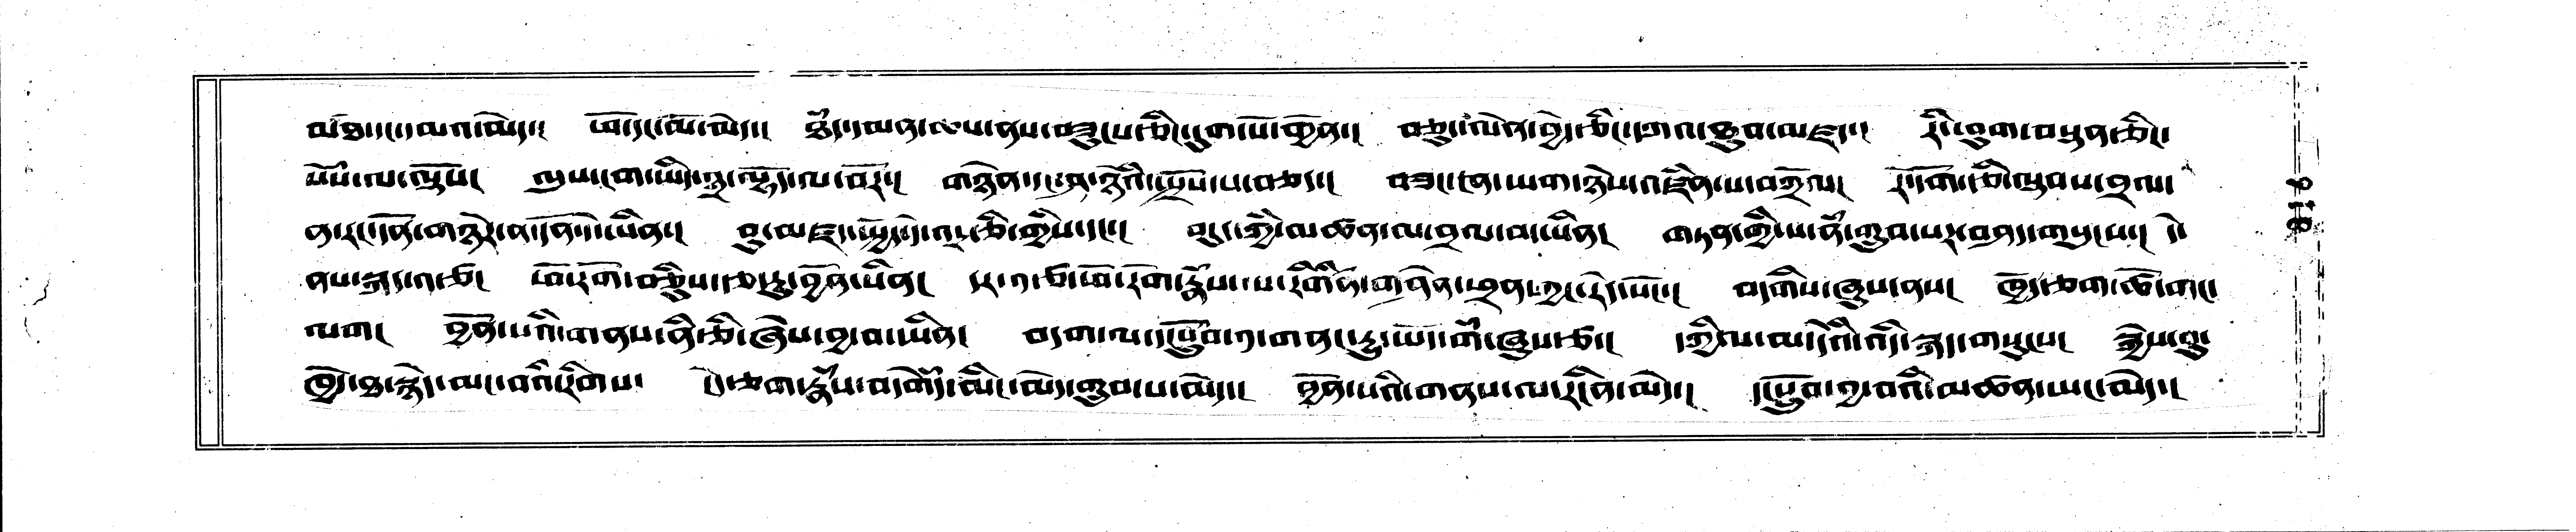མཐོ་དང་དམའ་མེད། ཕོ་དང་མོ་མེད། ཐམས་ཅད་དམན་ཆས་ནས་བཟུང་ཞིང་དུག་པོ་གྱོན། བཅུད་ལེན་བྱེད་ཅིང་དཀའ་ཐུབ་མཛད། །རི་ཕུག་བསྟེན་ཅིང་
སེམས་ལ་ལྟོས། །ལུས་ངག་ཡིད་གསུམ་ལྷོད་ལ་བོར། །གཉེན་དང་ཤ་ཉེའི་སྤྲོས་པ་བཅད། །བཟང་ངན་ཡག་ཉེས་འཛིན་པ་བཀྲོལ། །རེ་དོགས་རྩིས་གདབ་འབྲལ་
ན་རང་དོན་གཉེར་ན་དོན་དེ་ཡིན། བུ་མཛད་སྤྱོད་དེ་འདྲ་ཅི་གྱིས་དང་། བདུད་ཀྱི་མཚན་མ་བྲལ་བ་ཡིན། གཏན་གྱི་སོ་ནམ་གྲུབ་པར་བཤད་གསུངས། དེ་
ནས་སྐད་ཅིག་ཙ། ཕོ་རོག་བཅུ་གཉིས་རྩ་རུ་བྱོན་སིན། དར་ཅིག་ཙ་ཕོ་རོག་རྣམ་པ་རིག་འཛིན་གཤེན་ཕྲན་ཀྱང་རེད་སོང་། བདག་གིས་ཞུས་ནས། ཁྱོད་ཅག་ཚོ་གང་
ལགས། བྱོན་པའི་གནས་ནི་ཅི་ཞེས་བྱ་བ་ཡིན། བདག་ལ་དངོས་གྲུབ་ཅིག་གནང་རྒྱུ་ཡོད་གམ་ཞུས་ཙ། དཀྱིལ་མ་དེས་འདི་སྐད་གསུངས། སྐྱེས་བུ་
ཁྱོད་ཐ་སྙད་མང་བའི་རིགས། ངེད་ཅག་བདག་མེད་མིང་མེད་གྲུབ་པ་མེད། བྱོན་པའི་གནས་ལ་རང་བཞིན་མེད། །དངོས་གྲུབ་བྱ་བའི་མཚན་ཡང་མེད། །